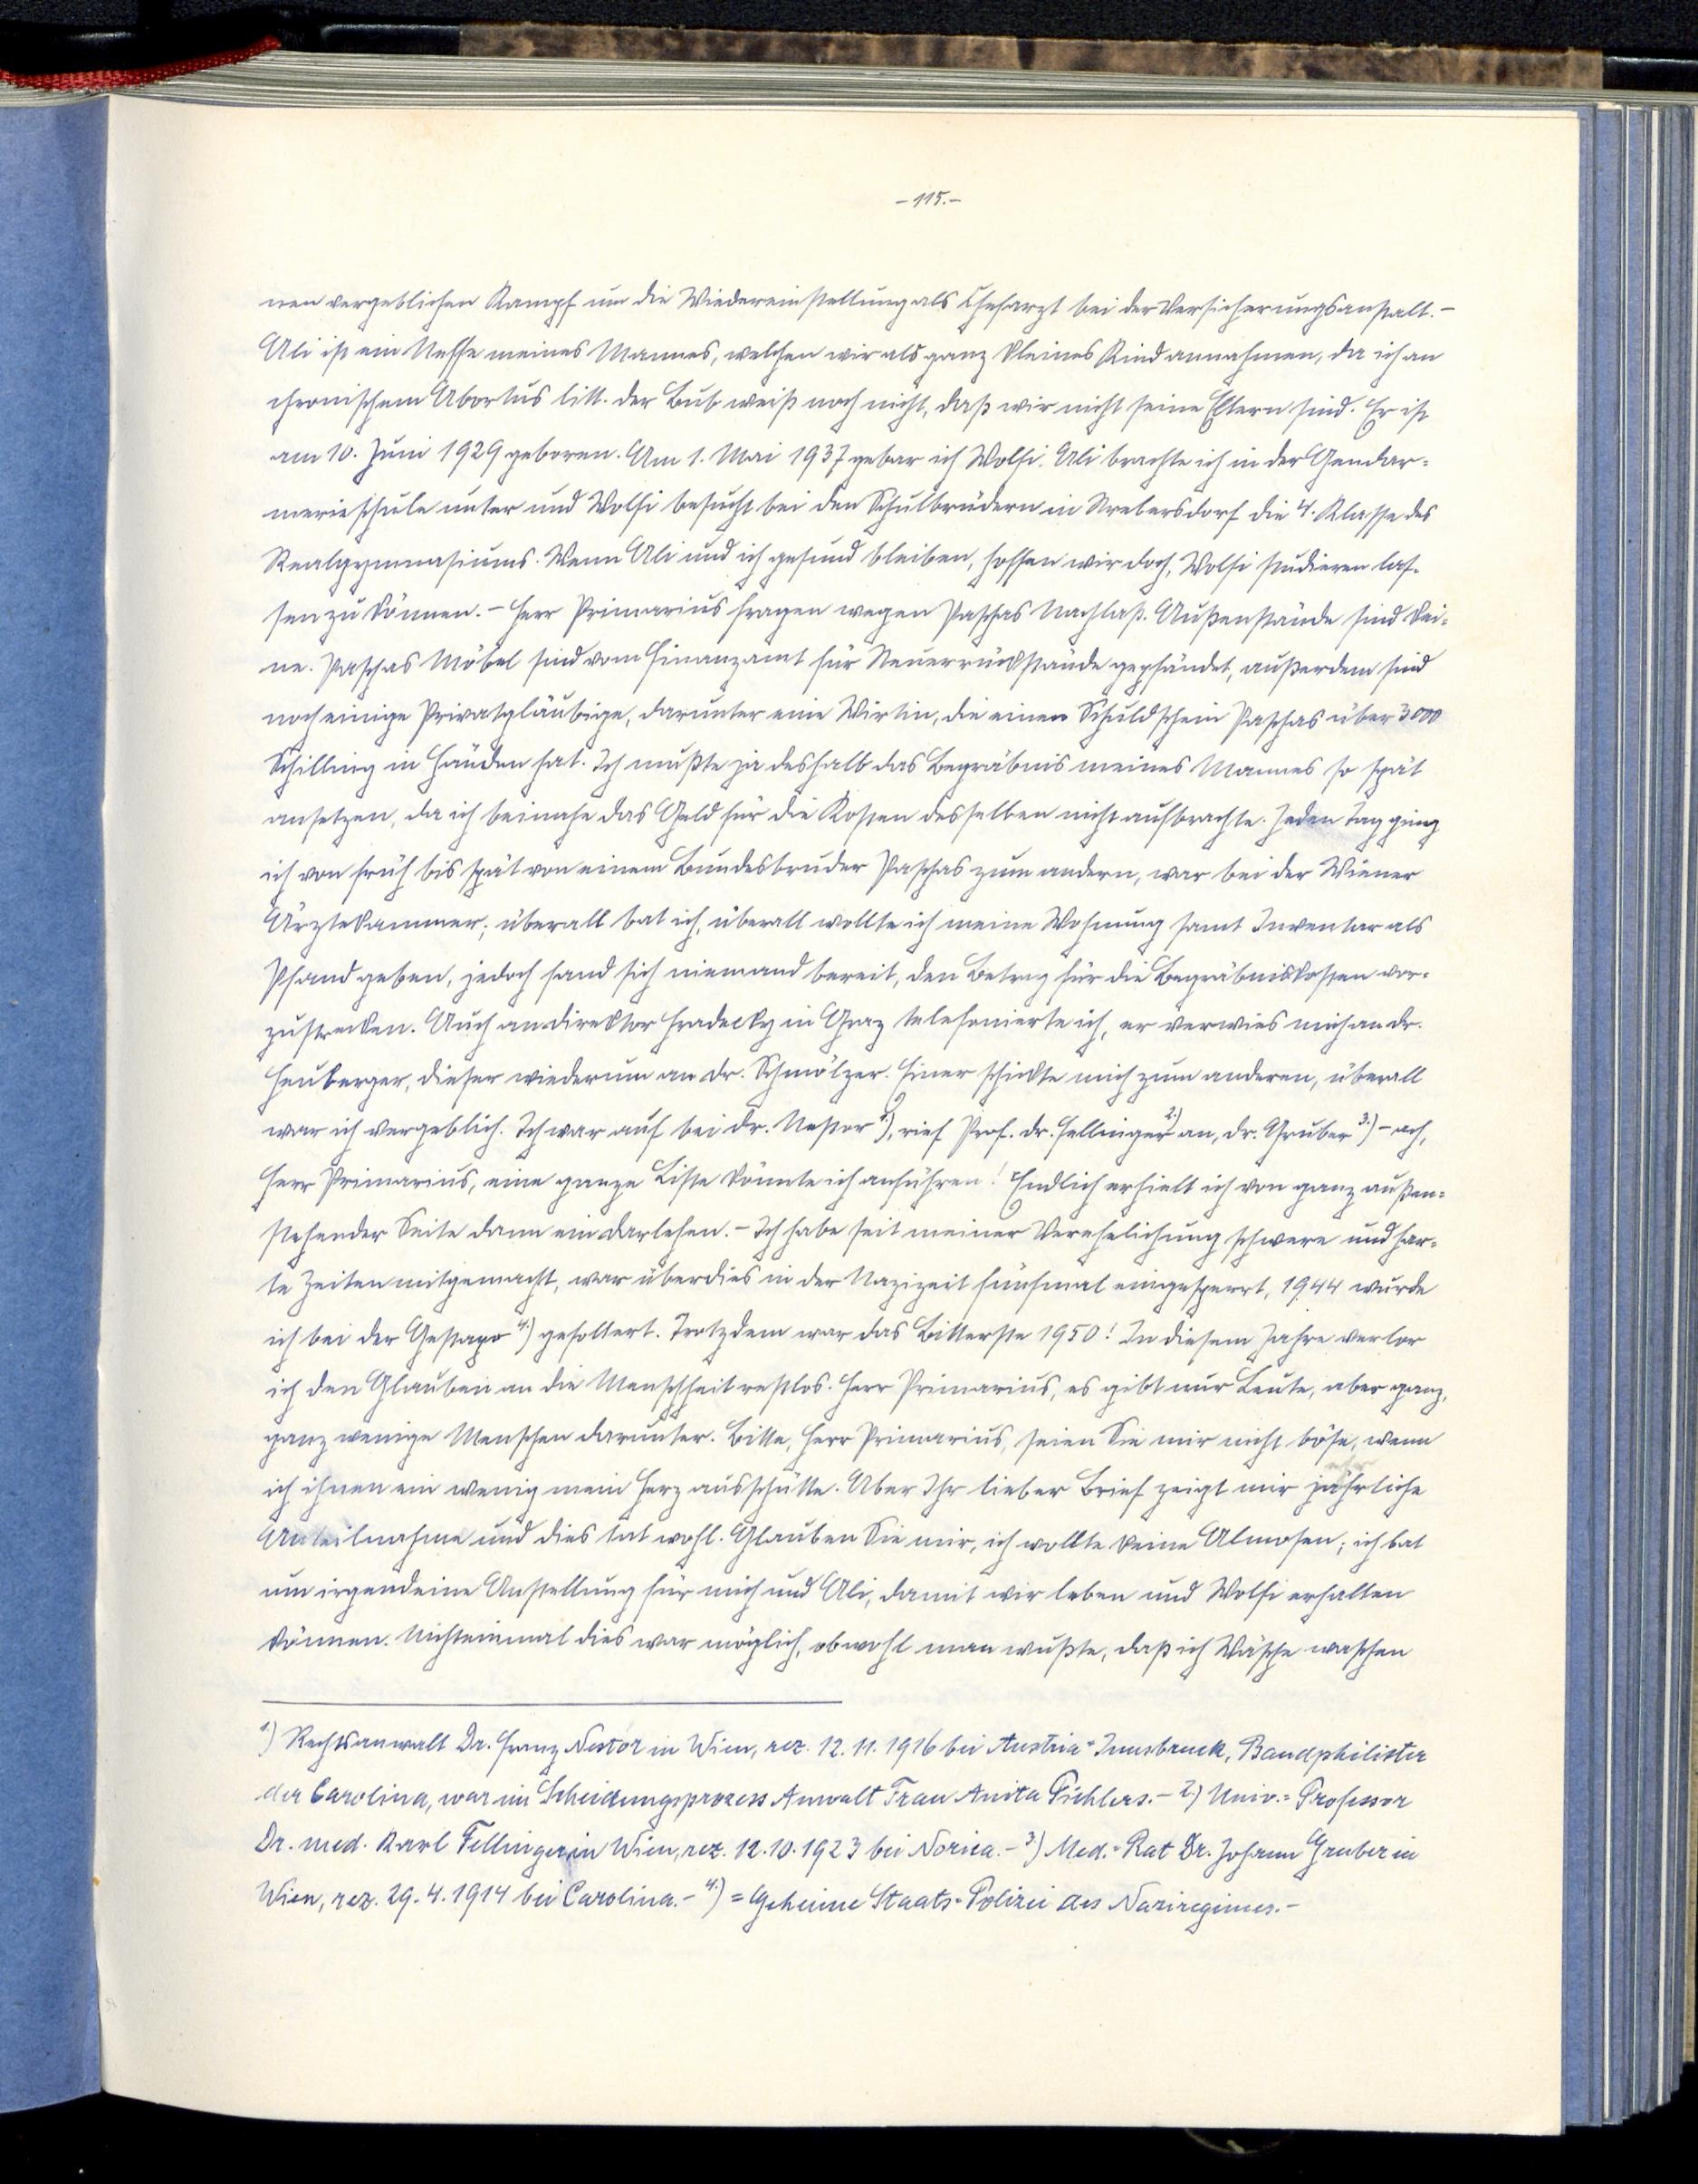115
nen vergeblichen Kampf um die Wiedereinstellung als Chefarzt bei der Versicherungsanstalt.-
Alois ist ein Neffe meines Mannes, welchen wir als ganz kleines Kind annahmen, da ich an
chronischem Abortus litt. Der Bub weiß noch nicht, daß wir nicht seine Eltern sind. Er ist
am 10. Juni 1929 geboren. Am 1. Mai 1937 gebar ich Wolfi. Ali brachte ich in der Gendar-
merieschule unter und Wolfi besucht bei den Schulbrüdern in Strelersdorf die 4. Klasse des
Realgymnasiums. Wenn Ali und ich gesund bleiben, hoffen wir doch, Wolfi studieren las-
sen zu können. - Herr Primarius fragen wegen Paschas Nachlaß. Außenstände sind kei-
ne. Paschas Möbel sind vom Finanzamt für Steuerrückstande gepfändet außerdem sind
noch einige Privatgläubiger, darunter eine Wirtin, die einen Sohuldschein Paschas über 3000
Schilling im Händen hat. Ich musste ja deshalb das Begräbnis meines Mannes so spät
ansetzen, da ich beinahe das Geld für die Kosten desselben nicht aufbrachte. Jeden Tag ging
ich von früh bis spät von einem Bundesbruder Paschas zum anderen, war bei der Wiener
Ärztekammer; überall bat ich, überall wollte ich meine Wohnung stammt Inventer als
Pfand geben, jedoch fand sich niemand bereit, den Beitrag für die Begräbniskosten vor-
zustrecken. Auch an Direktor Hradecky in Graz telefenierte ich, er verwies mich an Dr.
Heuberger, dieser wiederum an Dr. Schmölzer. Einer schickte mich zum anderen, überall
war ich vergeblich. Ich war auch bei Dr. Nestor 1), rief Prof. Dr. Fellinger 2) ans, auch Dr. Gruber 3)- ach,
Herr Primarius, eine ganze Liste könnte ich anführen. Endlich erhielt ich von ganz außen.
stehende Seite dann ein Darlehen.- Ich habe seit meiner Verehelichung schwere und haret
te Zeiten mitgemacht, war überdies in der Nazizeit fünfmal einngesperrt, 1944 wurde
ich bei der Gestapo 4) gefoltert. Trotzdem war das Bitterste 1950! In diesem Jahre verlor
ich den Glauben an die Menscheit restlos. Herr Primarius, es gibt nur Leute, aber ganz,
ganz wenige Menschen darunter. Bitte, Herr Primarius, seien Sie mir nicht böse, wenn
ich Ihnen ein wenig mein Herz ausschütte. Aber Ihr lieber Brief zeigt mir jährliche
Anteilnahme und dies tut wohl. Glauben Sie mir, ich wollte keine Almosen; ich bat
um irgendeine Anstellung für mich und Ali, damit wir leben und Wolfi erhalten
können. Nichteinmal dies war möglich, obwohl man wusste, dass ich Wäsche waschen
1) Rechtsanwalt Dr. Franz Nestor in Wien, rez. 12. 11. 1916 bei Austria- Innsbruck, Bandphilister
der Carolina, war im Scheidungsprozess Anwalt Frau Anita Pichlers.- 2) Univ. Professor
Dr. med. Karl Fellinger in Wien, rez. 12.10. 1923 bei Norica. 3) Med.- Rat Dr. Johann Gruber in
Wien, rez. 29. 4. 1914 bei Carolina.- 4) Geheime Staatspolizei des Naziregimes.